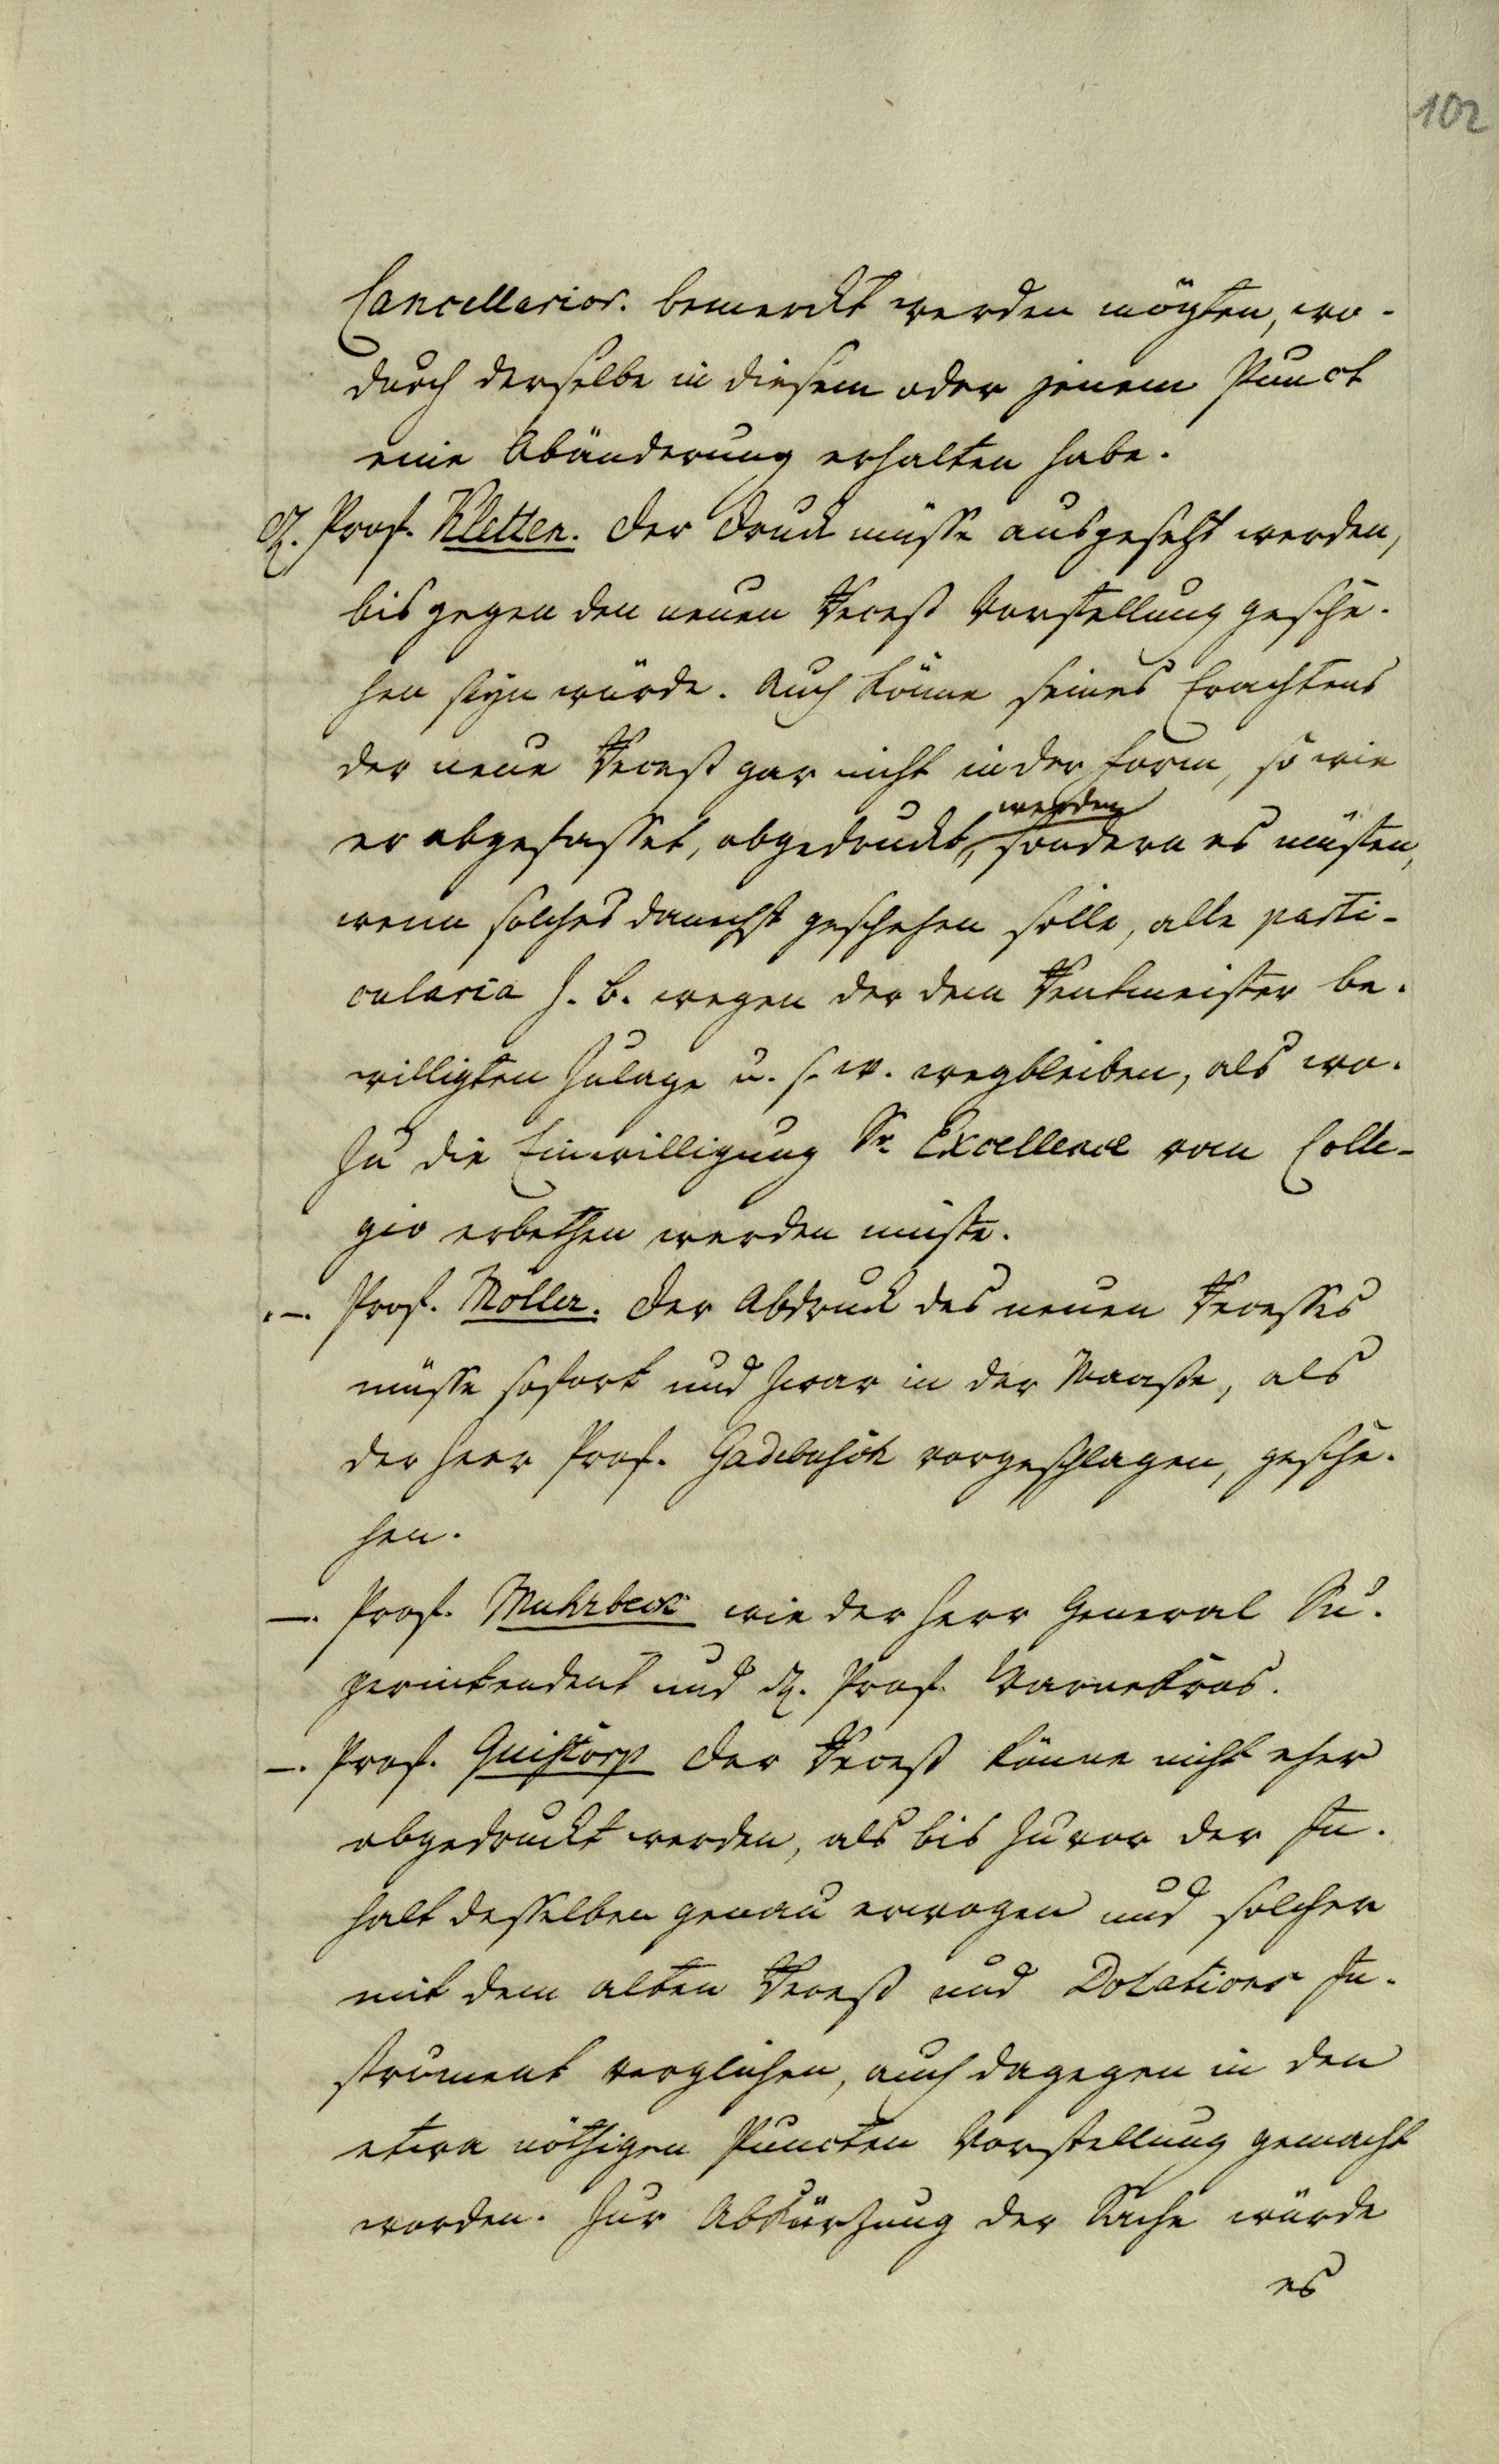Cancellarios. bemerckt werden mögten, wo¬
durch derselbe in diesem oder jenem Punct
eine Abänderung erhalten habe.
dh. Prof. Kletten. Der Druck müsse ausgesetzt werden,
bis gegen den neuen Receß Vorstellung gesche¬
hen seÿn würde. Auch könne seines Erachtens
der neue Receß gar nicht in der Form, so wie
werden
er abgefasset, abgedruckt, sondern es müsten
wenn solches danechst geschehen solle, alle parti¬
cularia z. B. wegen der dem Rentmeister be¬
willigten Zulage u. s. w. wegbleiben, als wo¬
zu die Einwilligung Sr Excellence vom Colle¬
gio erbethen werden müßte.
Prof. Möller. Der Abdruck des neuen Recesses
müsse sofort und zwar in der Maaße, als
der Herr Prof. Gadebusch vorgeschlagen, gesche¬
hen.
Prof. Muhrbeck wie der Herr General Su¬
perintendent und dh. Prof. Warnekros.
Prof. Quistorp. Der Receß könne nicht eher
abgedruckt werden, als bis zuvor der In¬
halt desselben genau erwogen und solcher
mit dem alten Receß und Dotations In-
strument verglichen, auch dagegen in den
etwa nöthigen Punkten Vorstellung gemacht
worden. Zur Abkürzung der Sache würde
es